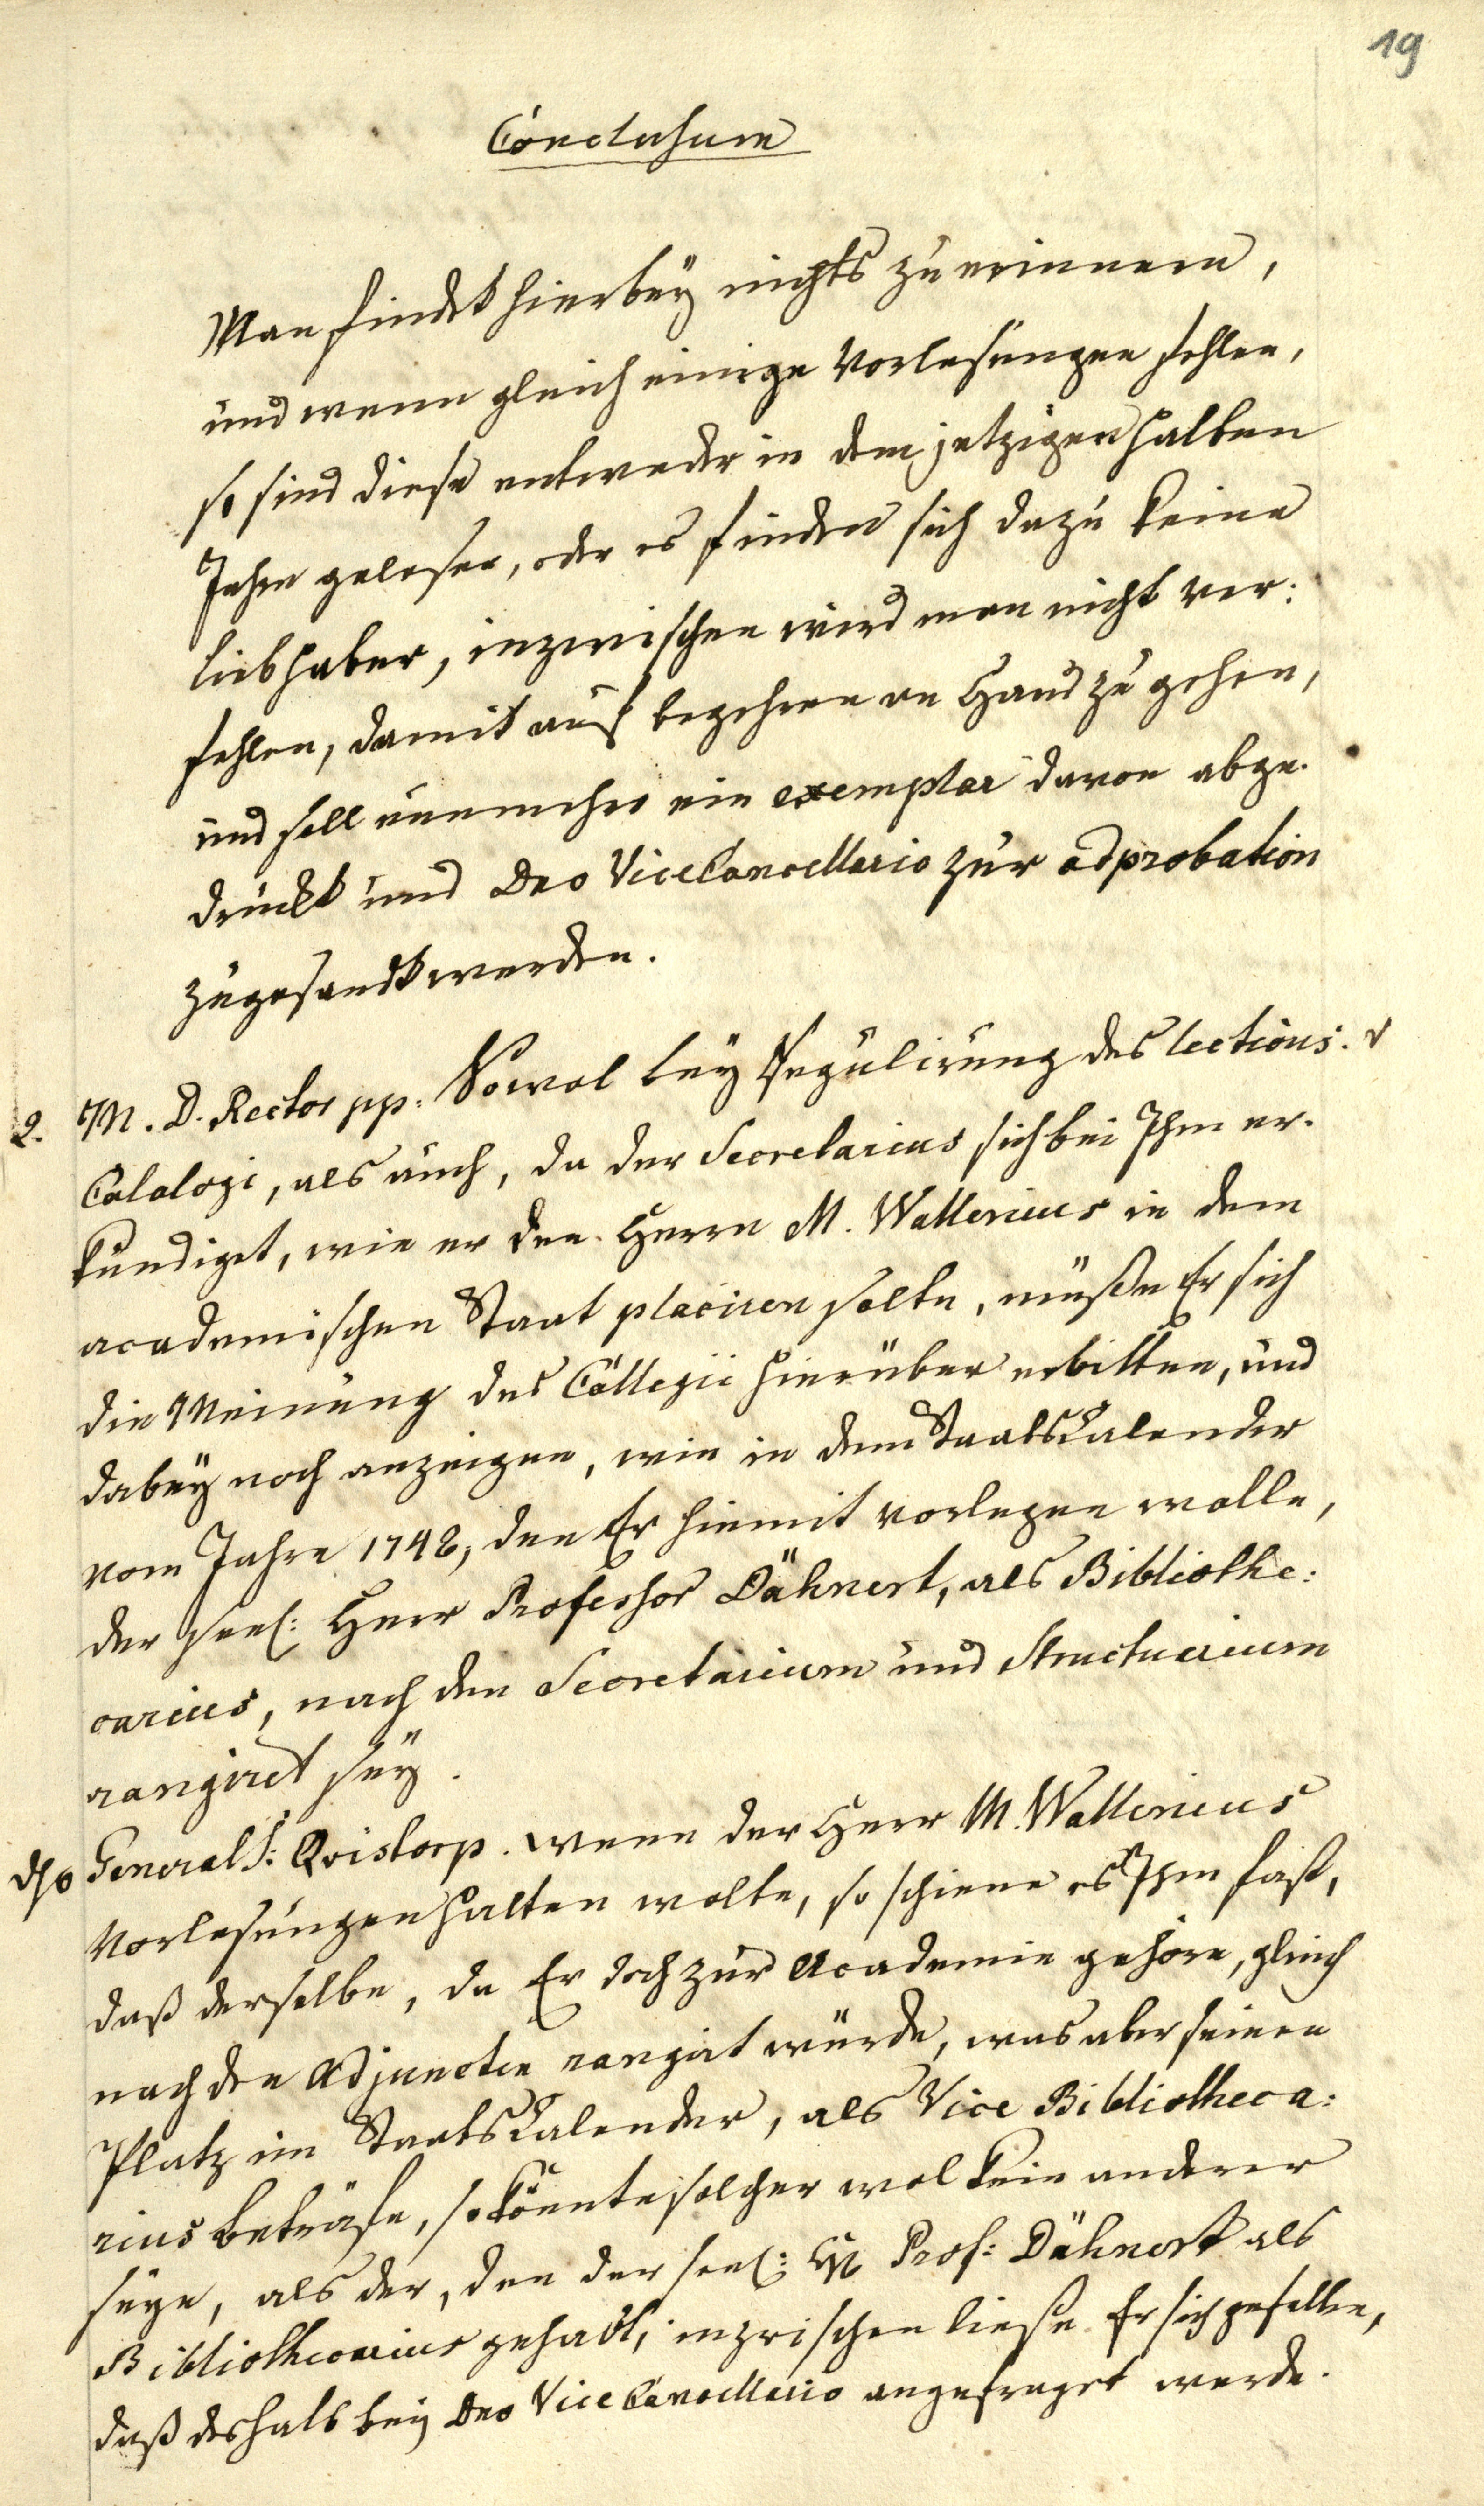Conclusum
Man findet hierbeÿ nichts zu erinnern,
und wenn gleich einige Vorlesungen fehlen,
so sind diese entweder in dem jetzigen halben
Jahre gelesen, oder es finden sich dazu keine
Liebhaber, inzwischen wird man nicht ver¬
fehlen, damit auf Begehren an Hand zu gehen,
und soll nunmehro ein exemplar davon abge¬
druckt und Dno ViceCancellario zur adprobation
zugesandt werden.
2. M. D. Rector pp. Sowol beÿ Regulirung des Lections
Catalogi, als auch, da der Secretarius sich bei Ihm er¬
kundiget, wie er den Herrn M. Wallenius in dem
academischen Staat placiren solte, müße Er sich
die Meinung des Collegii hierüber erbitten, und
dabeÿ noch anzeigen, wie in dem Staatskalender
vom Jahre 1748, den Er hiemit vorlegen wolle,
der seel. Herr Professor Dähnert, als Bibliothe¬
carius nach dem Secretarium und Structuarium
rangiret seÿ.
dh GeneralS. Quistorp wenn der Herr M. Wallenius
Vorlesungen halten wolte, so schiene es Ihm fast,
daß derselbe, da Er doch zur Academie gehöre, gleich
nach den Adjuncten rangirt würde, was aber seinen
Platz im Staatskalender, als Vice Bibliotheca¬
rius beträfe, so könnte solcher wol kein anderer
seÿn, als der, den der seel. H Prof. Dähnert als
Bibliothecarius gehabt, inzwischen ließe Er sich gefallen,
daß deshalb beÿ Dno Vice Cancellario angefraget werde.